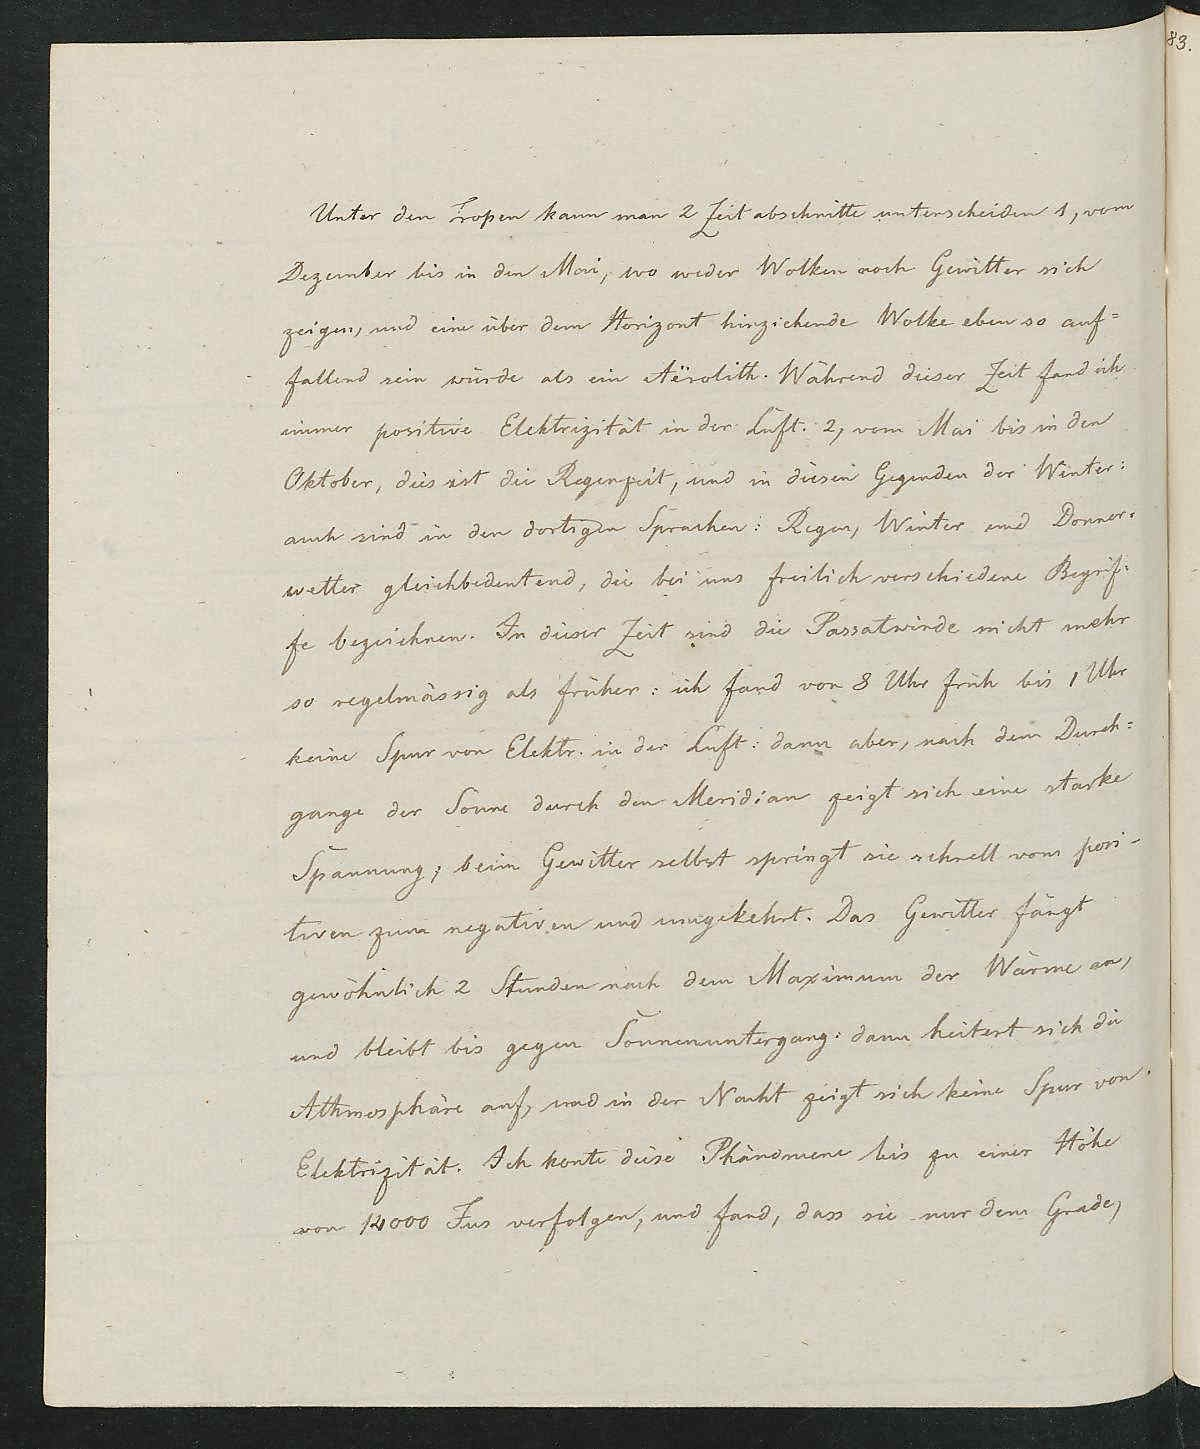Unter den Tropen kann man 2 Zeitabschnitte unterscheiden 1, vom
Dezember bis in den Mai, wo weder Wolken noch Gewitter sich
zeigen, und eine über dem Horizont hinziehende Wolke eben so auf-
fallend sein würde als ein Aërolith. Während dieser Zeit fand ich
immer positive Elektrizität in der Luft. 2, vom Mai bis in den
Oktober, dies sist die Regenzeit, und in diesen Gegenden der Winter:
auch sind in den dortigen Sprachen: Regen, Winter und Donner-
wetter gleichbedeutend, die bei uns freilich verschiedene Begrif-
fe bezeichnen. In dieser Zeit sind die Passatwinde nicht mehr
so regelmässig als früher: ich fand von 8 Uhr früh bis 1 Uhr
keine Spur von Elektr. in der Luft: dann aber, nach dem Durch-
gange der Sonne durch den Meridian zeigt sich eine starke
Spannung; beim Gewitter selbst springt sie schnell vom posi-
tiven zum negativen und umgekehrt. Das Gewitter fängt
gewöhnlich 2 Stunden nach dem Maximum der Wärme an,
und bleibt bis gegen Sonnenuntergang: dann heitert sich die
Athmosphäre auf, und in der Nacht zeigt sich keine Spur von
Elektrizität. Ich konte diese Phänomene bis zu einer Höhe
von 14000 Fus verfolgen, und fand, dass sie nur dem Grade,